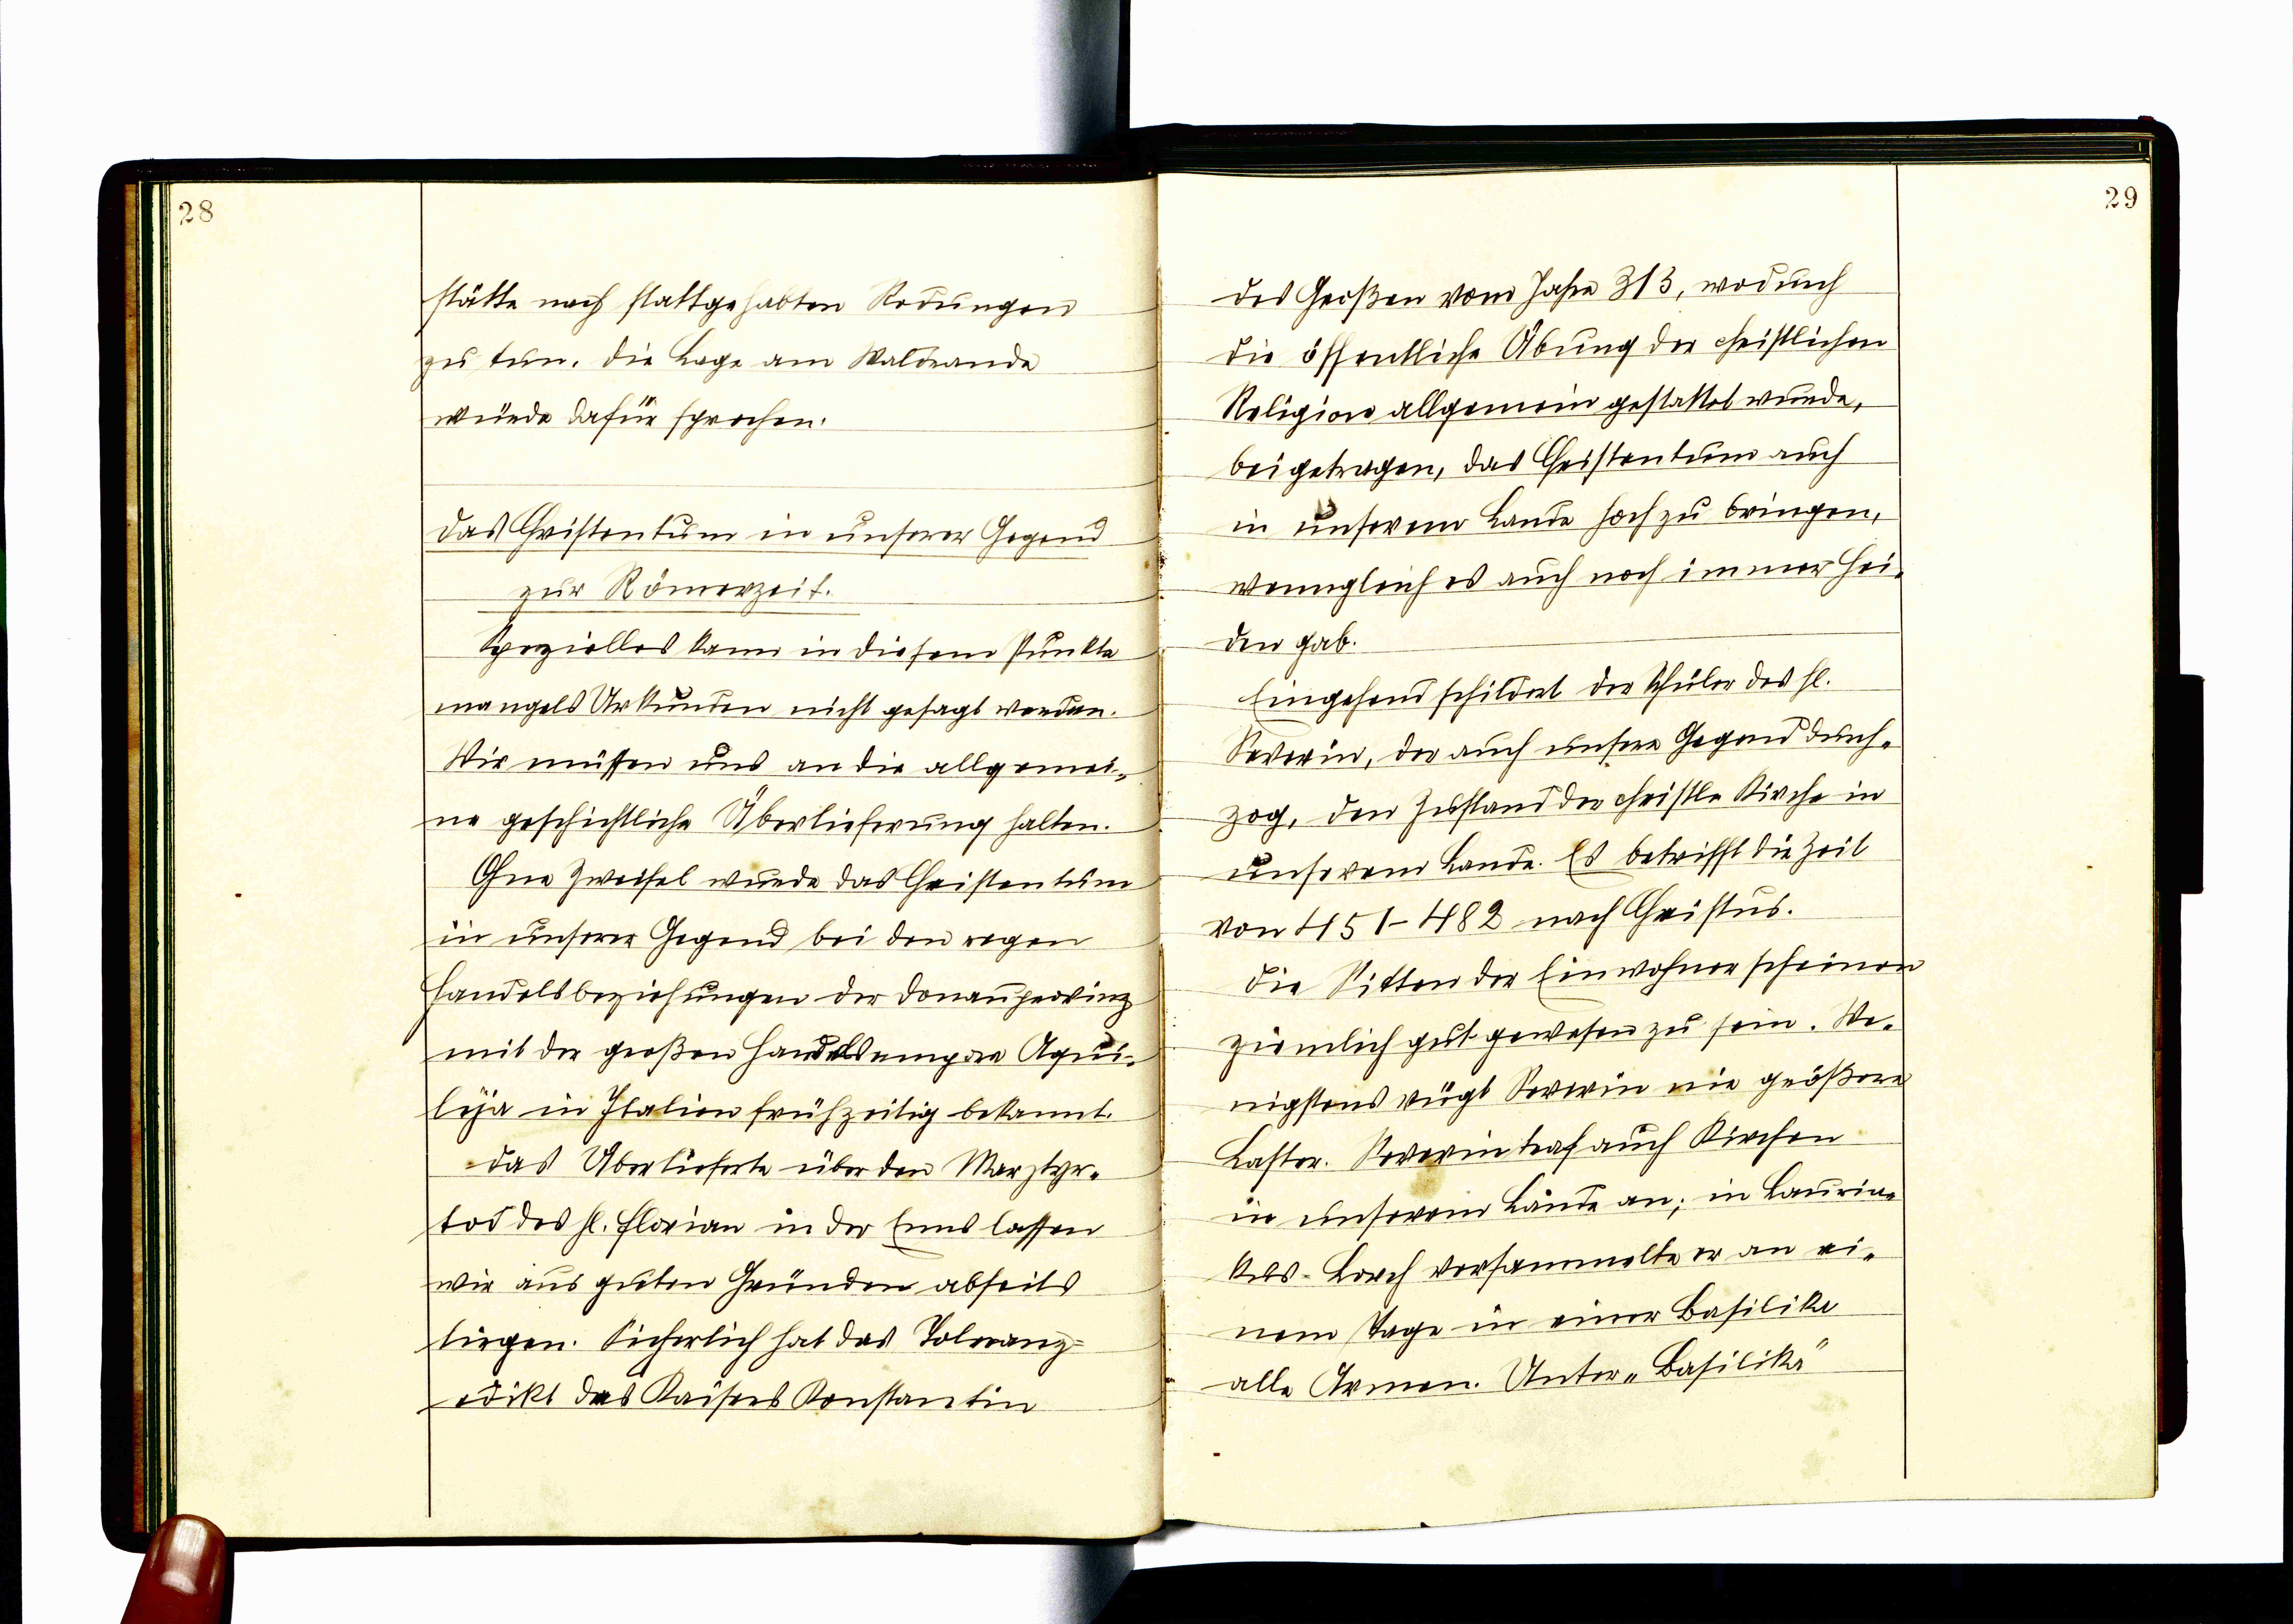stätte nach stattgehabten Rodungen
zu tun. Die Lage am Waldrande
würde dafür sprechen.
Das Christentum in unserer Gegend
zur Römerzeit.
Spezielles kann in diesem Punkte
mangels Urkunden nicht gesagt werden.
Wir müssen uns an die allgemei-
ne geschichtliche Überlieferung halten.
Ohne Zweifel wurde das Christentum
in unserer Gegend bei den regen
Handelsbeziehungen der Donauprovinz
mit der großen Handels??? Aqui-
lya in Italien frühzeitig bekannt.
Das Überlieferte über den Maytyr-
tod des Hl. Florian in der Enns lassen
wir aus gutem Gründen abseits
liegen. Kirchlich hat das Toleranz-
edikt des Kaisers Konstantin
des Großen vom Jahre 313, wodurch
die öffentliche Übung der christlichen
Religion allgemein gestattet wurde,
beigetragen, das Christentum auch
in unserem Lande hoch zu bringen,
wenngleich es auch noch immer Hei-
den gab.
Eingehens schildert der Schüler des Hl.
Severin, der auch unsere Gegend durch-
zog, den Zustand der christl. Kirche in
unserem Lande. Es betrifft die Zeit
von 451-482 nach Christus.
Die Sitten der Einwohner scheinen
ziemlich gut gewesen zu sein. We-
nigstens rügt Severin nie größere
Laster. Severin traf auch Kirchen
in unserem Lande an; in Lauria-
kus-Lorch versammelte er an ei-
nem Tage in einer Basilika
alle Armen. Unter „Basilika“